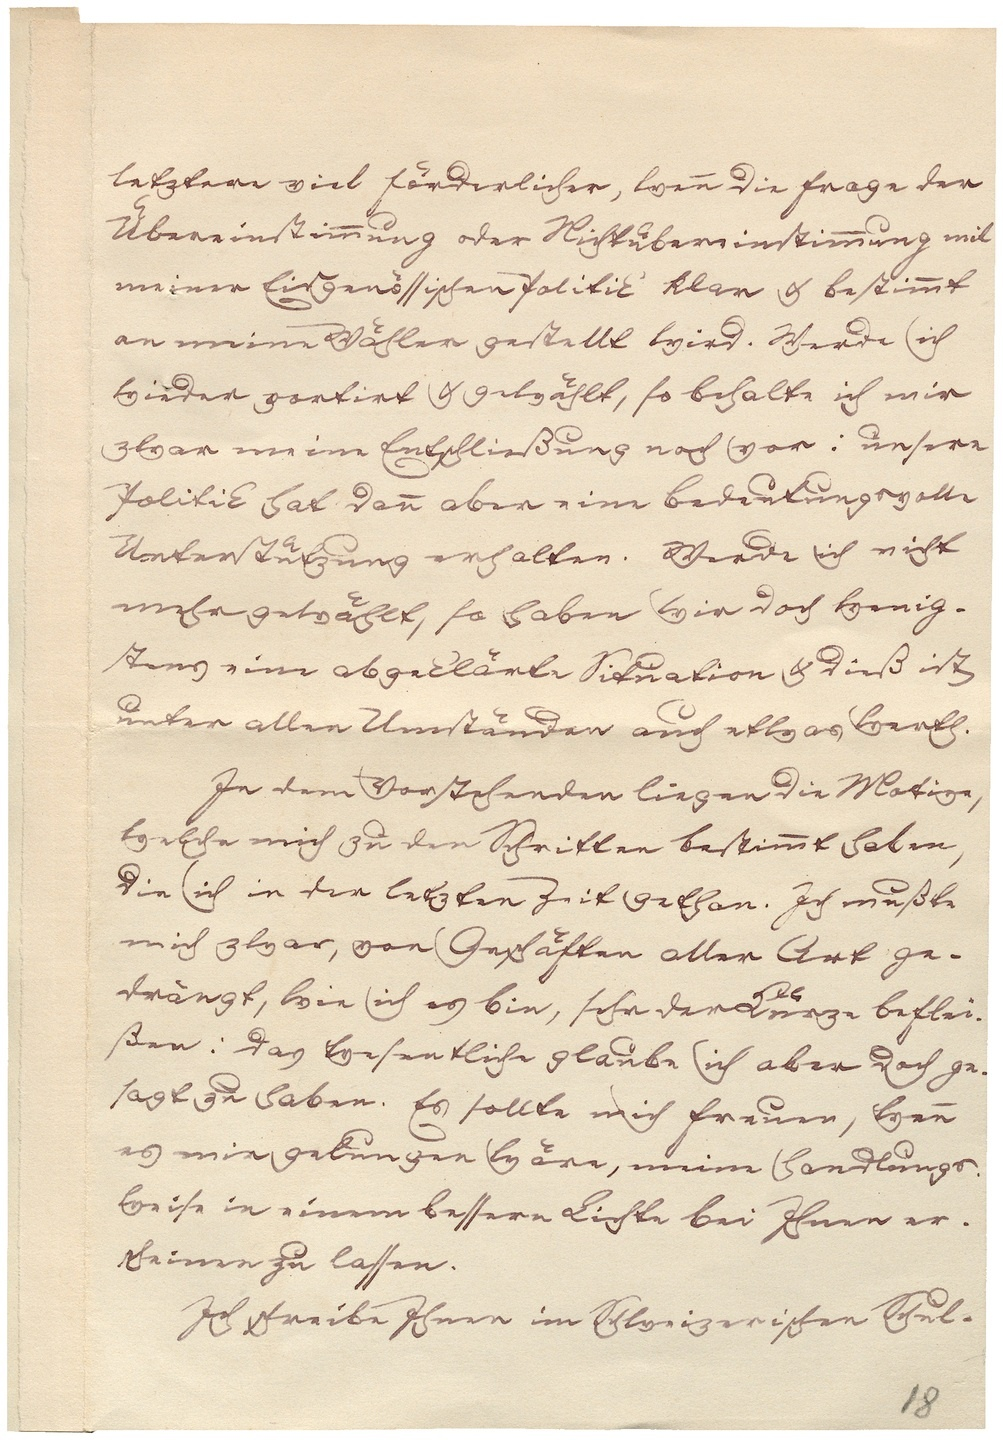letztere viel förderlicher, wenn die Frage der
Übereinstimmung oder Nichtübereinstimmung mit
meiner Eidgenössischen Politik klar & bestimmt
an meine Wähler gestellt wird. Werde ich
wieder portirt & gewählt, so behalte ich mir
zwar meine Entschließung noch vor: unsere
Politik hat dann aber eine bedeutungsvolle
Unterstützung erhalten. Werde ich nicht
mehr gewählt, so haben wir doch wenig-
stens eine abgeklärte Situation & dieß ist
unter allen Umständen auch etwas werth.
In dem Vorstehenden liegen die Motive,
welche mich zu den Schritten bestimmt haben,
die ich in der letzten Zeit gethan. Ich mußte
mich zwar, von Geschäften aller Art ge-
drängt, wie ich es bin, sehr der Kürze beflei-
ßen: das wesentliche glaube ich aber doch ge-
sagt zu haben. Es sollte mich freuen, wenn
es mir gelungen wäre, meine Handlungs-
weise in einem bessern Lichte bei Ihnen er-
scheinen zu lassen.
Ich schreibe Ihnen im Schweizerischen Schul-